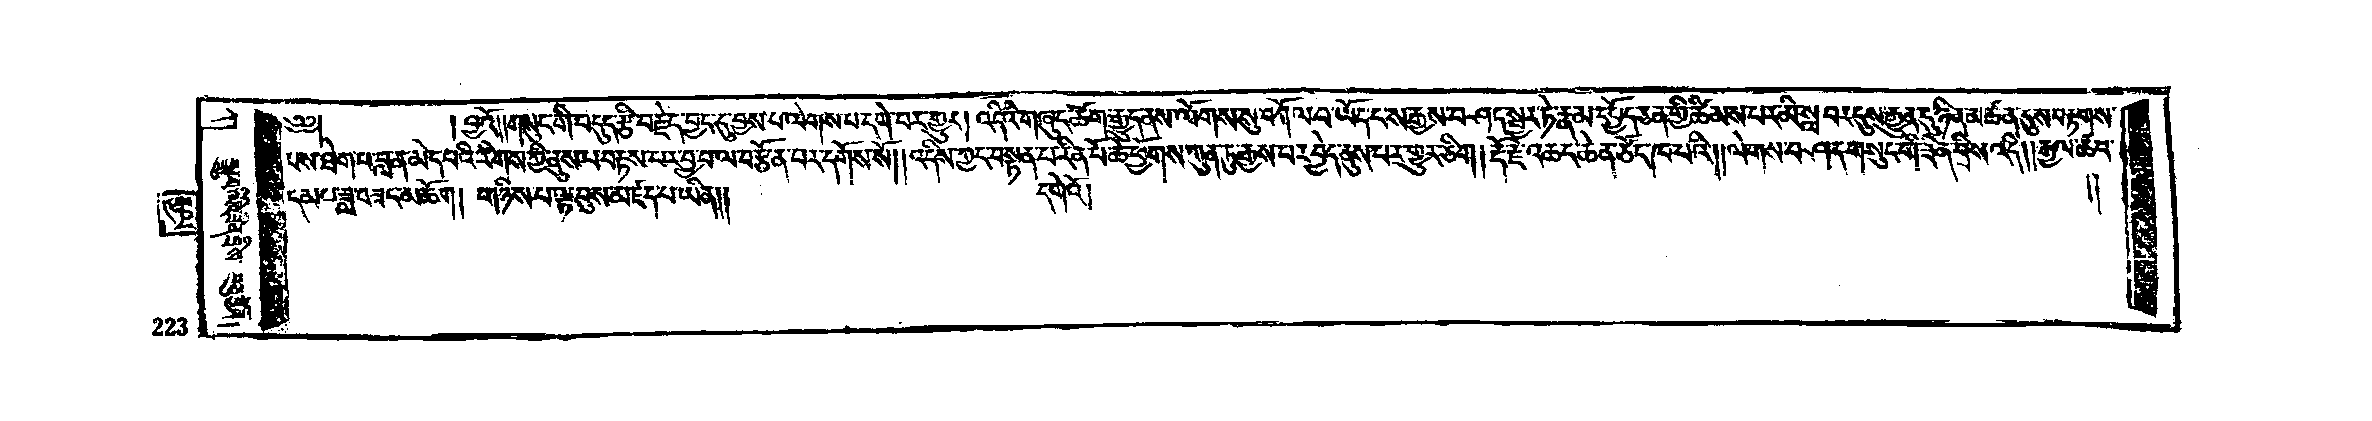༄༅། །བྱའོ། །གསུང་གི་བདུད་རྩི་བརྗེད་བྱང་དུ་བྱས་པ་ལེགས་པ་དགེ་བར་གྱུར། འདིའི་གཞུང་ཆོག་རྒྱུད་ནས་ལོགས་སུ་བཀོལ་བ་ཡོད་པས་རྒྱས་བཤད་སྦྱར་ཏེ་རྣམ་དཔྱོད་ཅན་གྱི་ཚིམས་པར་མི་སླ་བར་དུས་རྒྱུན་དུ་ཉིན་མཚན་དུས་བརྟགས་
པས་ཐེག་པ་བླ་ན་མེད་པའི་རིགས་ཀྱི་ནུས་པ་བརྟས་པར་བྱ་བ་ལ་བརྩོན་པར་དགོས་སོ། །འདིས་ཀྱང་བསྟན་པ་རིན་པོ་ཆེ་ཕྱོགས་ཀུན་ཏུ་རྒྱས་པར་བྱེད་ནུས་པར་གྱུར་ཅིག །རྡོ་རྗེ་འཆང་ཆེན་ཙོང་ཁ་པའི། །ལེགས་བཤད་གསུང་གི་ཟིན་བྲིས་འདི། །རྒྱལ་ཚབ་
དམ་པ་ཟླ་བཟང་མཆོག །གཉིས་པ་ལྟ་བུས་མཛད་པ་ཡིན།། དགེའོ། །